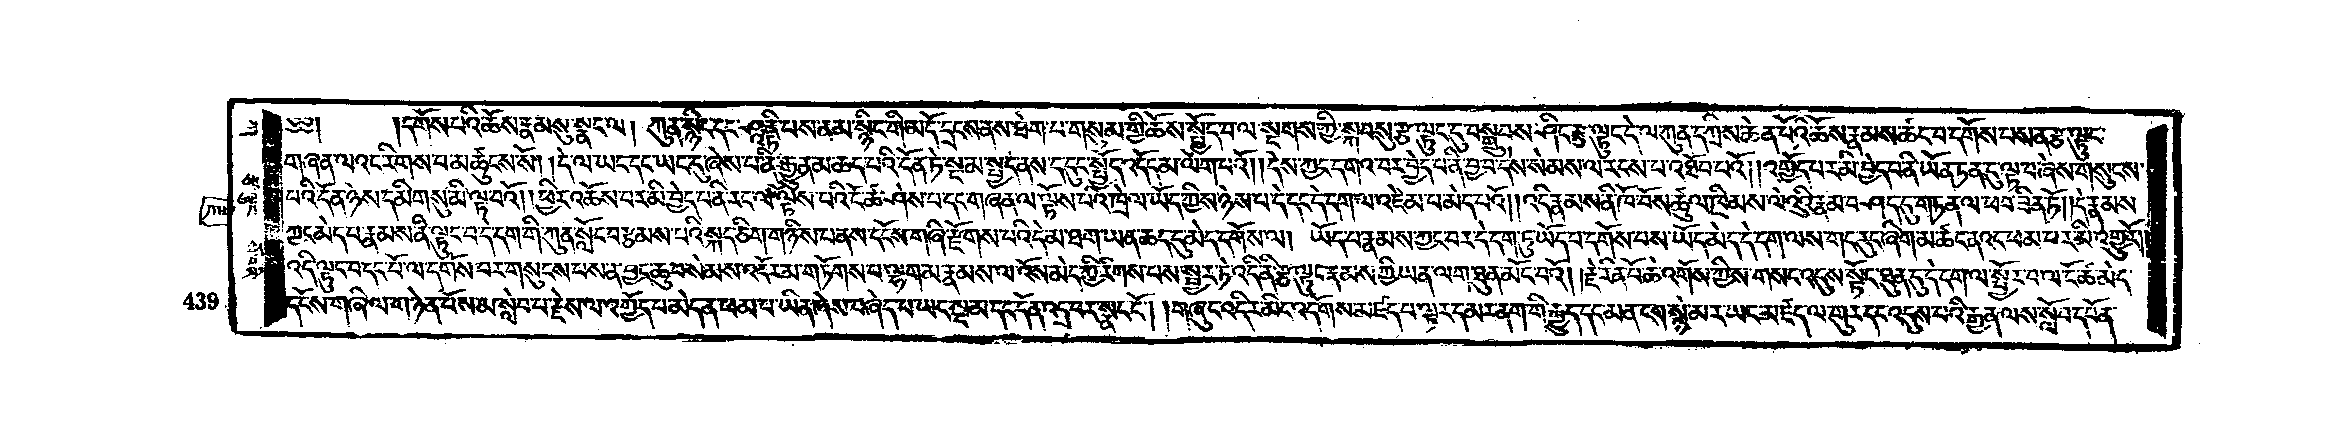༄༅། །དགོས་པའི་ཆོས་རྣམས་སུ་སྣང་ལ། ཀུན་སྙིང་དང་ཤཱནྟི་པས་ནམ་སྙིང་གི་མདོ་དྲངས་ནས་ཐེག་པ་གསུམ་གྱི་ཆོས་སྤྱོད་པ་ལ་སྔགས་ཀྱི་སྐབས་སུ་རྩ་ལྟུང་དུ་བསྒྲུབས་ཤིང་རྩ་ལྟུང་དེ་ལ་ཀུན་དཀྲིས་ཆེན་པོའི་ཆོས་རྣམས་ཚང་བ་དགོས་པས་ན་རྩ་ལྟུང་
གཞན་ལའང་རིགས་པ་མཚུངས་སོ། །དེ་ལ་ཡང་དང་ཡང་དུ་ཞེས་པ་ནི་རྒྱུན་མ་ཆད་པའི་དོན་ཏེ་སྔ་མ་སྤྱད་ནས་ད་དུང་སྤྱོད་འདོད་མ་ལོག་པའོ། །དེས་ཀྱང་དགའ་བར་བྱེད་པ་ནི་བྱ་བ་དེས་སེམས་ལ་རངས་པ་འཐོབ་པའོ། །འགྱོད་པར་མི་བྱེད་པ་ནི་ཡོན་ཏན་དུ་ལྟ་བ་ཞེས་གསུངས་
པའི་དོན་ཉེས་དམིགས་སུ་མི་ལྟ་བའོ། །ཕྱིར་འཆོས་པར་མི་བྱེད་པ་ནི་རང་ལ་ལྟོས་པའི་ངོ་ཚ་ཤེས་པ་དང་གཞན་ལ་ལྟོས་པའི་ཁྲེལ་ཡོད་ཀྱིས་ཉེས་པ་དེ་དང་དེ་དག་ལ་འཛེམ་པ་མེད་པའོ། །འདི་རྣམས་ནི་ཁོ་བོས་ཚུལ་ཁྲིམས་ལེའུའི་རྣམ་བཤད་དུ་གཏན་ལ་ཕབ་ཟིན་ཏོ། །དེ་རྣམས་
ཀྱང་མེད་པ་རྣམས་ནི་ལྟུང་བ་དེ་དག་གི་ཀུན་སློང་བརྩམས་པའི་སྐད་ཅིག་གཉིས་པ་ནས་དངོས་གཞི་རྫོགས་པའི་དེ་མ་ཐག་ཡན་ཆད་དུ་མེད་དགོས་ལ། ཡོད་པ་རྣམས་ཀྱང་བར་དེ་དག་ཏུ་ཡོད་པ་དགོས་པས་ཡོད་མེད་དེ་དག་ལས་གང་རུང་ཞིག་མ་ཚང་ནའང་ཕམ་པར་མི་འགྱུར་རོ། །
འདི་ལྟུང་བ་དང་པོ་ལ་དགོས་པར་གསུངས་པས་ན་བྱང་ཆུབ་སེམས་འདོར་མ་གཏོགས་པ་ལྷག་མ་རྣམས་ལ་འོས་མེད་ཀྱི་རིགས་པས་སྦྱར་ཏེ་འདི་ནི་རྩ་ལྟུང་རྣམས་ཀྱི་ཡན་ལག་ཐུན་མོང་བའོ། །རྗེ་རིན་པོ་ཆེ་འགོས་ཀྱིས་གསང་འདུས་སྟོང་ཐུན་དུ་དེ་དག་ལ་སྦྱོར་བ་ལ་ངོ་ཚ་མེད་
དངོས་གཞི་ལ་གཉེན་པོས་མ་སླེབ་པ་རྗེས་ལ་འགྱོད་པ་མེད་ན་ཕམ་པ་ཡིན་ཞེས་བཞེད་པ་ཡང་སྔ་མ་དང་དོན་འདྲ་བར་སྣང་ངོ། །གཞུང་འདིར་མིང་འདོགས་མཛད་པ་ལྟར་དམར་ནག་གི་རྒྱུད་དང་མན་ངག་སྙེ་མར་ཡང་མཛད་ལ་གུར་དང་འདུས་པའི་རྒྱན་ལས་སློབ་དཔོན་